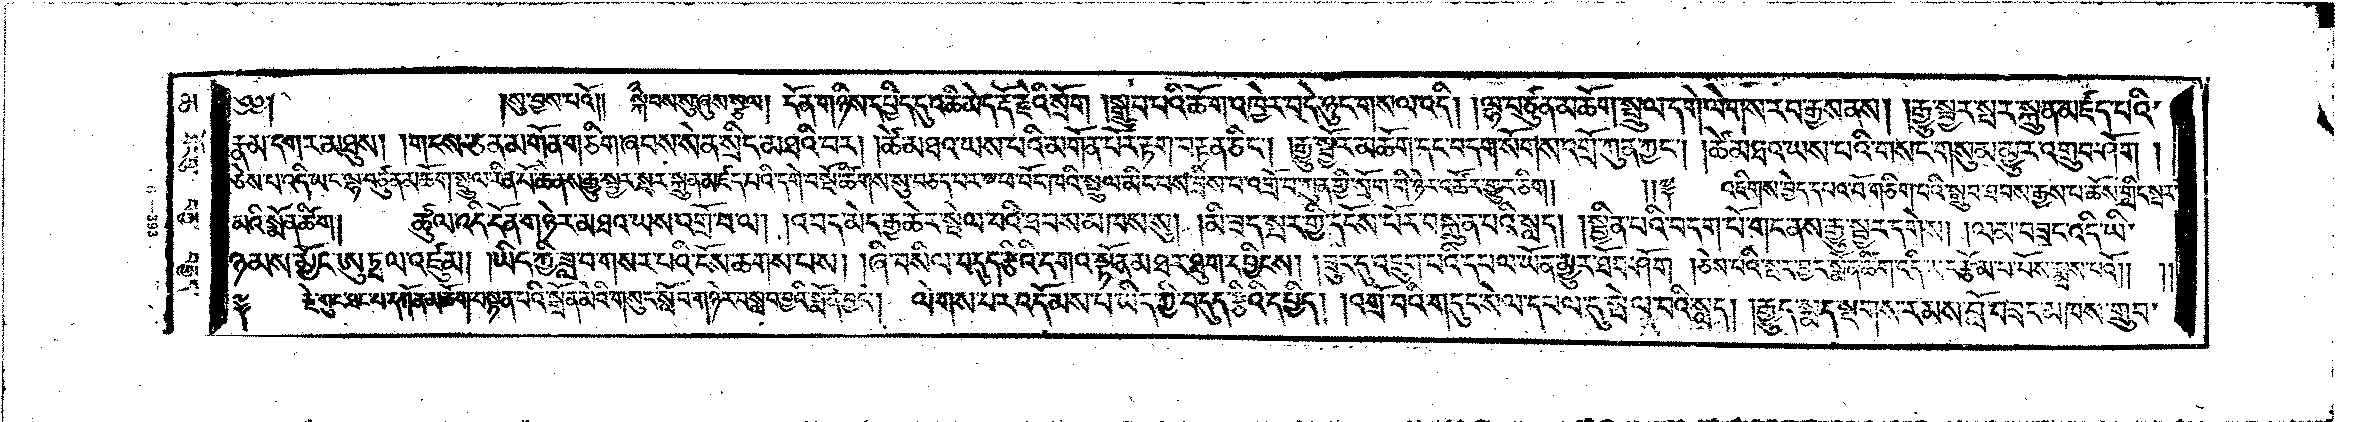༄༅། །སུ་བྱས་པའོ།། སྐབས་སུ་ཞུས་སྩལ། དོན་གཉིས་དཔྱིད་དུ་འཆི་མེད་རྡོ་རྗེའི་སྲོག །སྒྲུབ་པའི་ཆོ་ག་འཁྱེར་བདེ་ཉུང་གསལ་འདི། །ལྷ་བཙུན་མཆོག་སྤྲུལ་དགེ་ལེགས་རབ་རྒྱས་ནས། །རྒྱུ་སྦྱར་སྤར་སྐྲུན་མཛད་པའི་
རྣམ་དགར་མཐུས། །གངས་ཅན་མགོན་གཅིག་ཞབས་སེན་སྲིད་མཐའི་བར། །ཚེ་མཐའ་ཡས་པའི་མགོན་པོར་རྟག་བརྟན་ཅིང་། །རྒྱུ་སྦྱོར་མཆོག་དང་བདག་སོགས་འགྲོ་ཀུན་ཀྱང་། །ཚེ་མཐའ་ཡས་པའི་གསང་གསུམ་མྱུར་འགྲུབ་ཤོག །
ཅེས་པ་འདི་ཡང་ལྷ་བཙུན་མཆོག་སྤྲུལ་རིན་པོ་ཆེ་ནས་རྒྱུ་སྦྱར་སྔར་སྐྲུན་མཛད་པའི་དགེ་བསྔོ་ཚིགས་སུ་བཅད་པར ༧ཕ་བོང་ཁའི་སྤྲུལ་མིང་པས་བྲིས་པ་འགྲོ་བ་ཀུན་གྱི་སྲོག་གི་ཉེར་འཚོར་གྱུར་ཅིག། །། ༈ འཇིགས་བྱེད་དཔའ་བོ་གཅིག་པའི་སྒྲུབ་ཐབས་རྒྱས་པ་ཆོས་གླིང་སྤར་
མའི་སྨོན་ཚིག། ཚུལ་འདི་དོན་གཉེར་མཐའ་ཡས་འགྲོ་བ་ལ། །འབད་མེད་རྒྱ་ཆེར་སྤེལ་བའི་ཐབས་མཁས་སུ། །མི་ཟད་སྤར་གྱི་དངོས་པོར་བསྐྲུན་པའི་སླད། །སྦྱིན་པའི་བདག་པོ་གང་ནས་རྒྱུ་སྦྱར་དགེས། །ལམ་བཟང་འདི་ཡི་
ཉམས་མྱོང་ཨུཏྤལ་འཛུམ། །ཡིད་ཀྱི་ཟླ་བ་གསར་པའི་ངོས་ཆགས་པས། །ཞི་བསིལ་བདུད་རྩིའི་དགའ་སྟོན་མཐར་ཐུག་དབྱིངས། །ཟུང་དུ་འཇུག་པའི་དཔལ་ཡོན་མྱུར་ཐོབ་ཤོག །ཅེས་པའི་སྤར་བྱང་སྨོན་ཚིག་འདི་ཡང་རྩོམ་པ་པོས་སྨྲས་པའོ།། །།
༈ རྗེ་གུང་ཐང་པ་དཀོན་མཆོག་བསྟན་པའི་སྒྲོན་མེའི་གསུང་སློབ་གཉེར་བསླབ་བྱའི་སྨོན་བྱང་། ལེགས་པར་འདོམས་པ་ཡིད་ཀྱི་བདུད་རྩིའི་དཔྱིད། །འགྲོ་བའི་གདུང་སེལ་དཔལ་དུ་སྤེལ་བའི་སླད། །རྒྱུད་སྨད་སྔགས་རམས་བློ་བཟང་མཁས་གྲུབ་
ཕ༹་